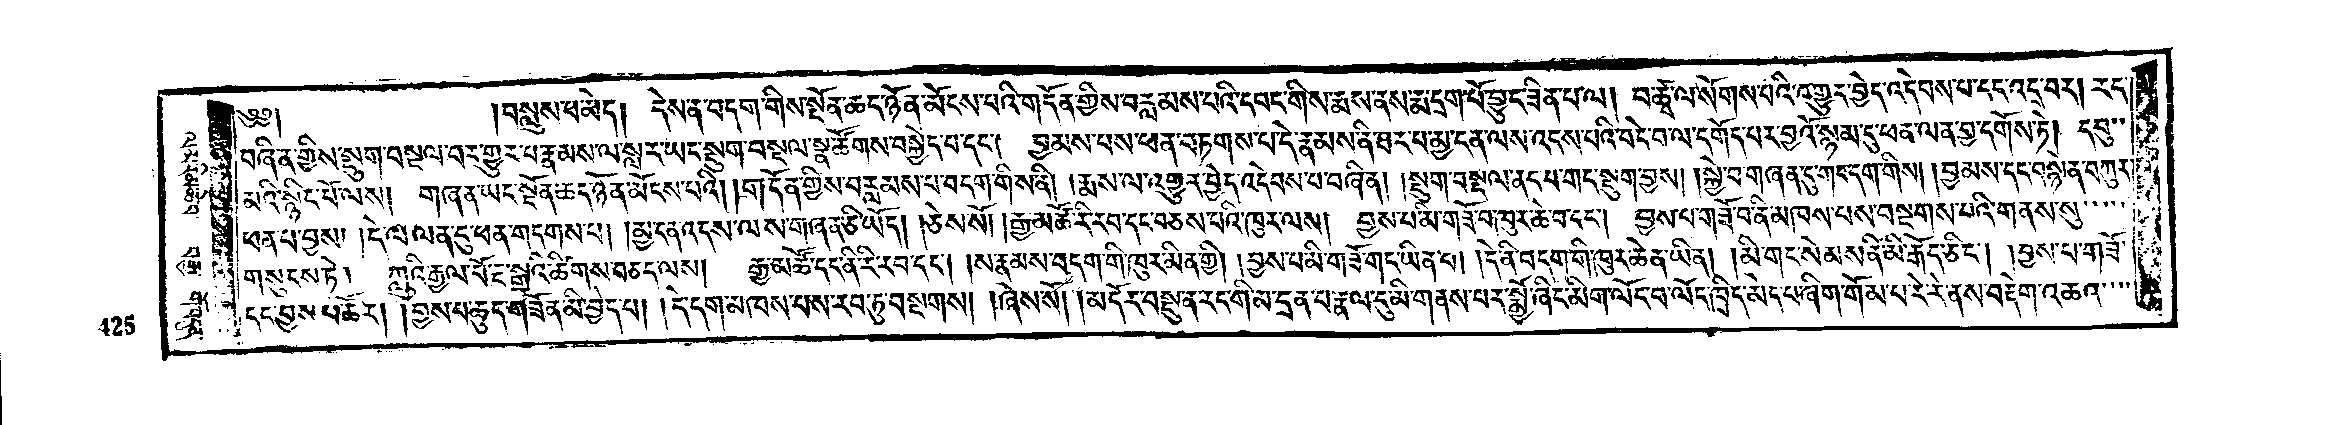༄༅། །བསླུས་པ་མེད། དེས་ན་བདག་གིས་སྔོན་ཆད་ཉོན་མོངས་པའི་གདོན་གྱིས་བརླམས་པའི་དབང་གིས་རྨས་ནས་རྨ་དྲག་པོ་བྱུང་ཟིན་པ་ལ། བ་ཚྭ་ལ་སོགས་པའི་འགྱུར་བྱེད་འདེབས་པ་དང་འདྲ་བར། རང་
བཞིན་གྱིས་སྡུག་བསྔལ་བར་གྱུར་པ་རྣམས་ལ་སླར་ཡང་སྡུག་བསྔལ་སྣ་ཚོགས་བསྐྱེད་པ་དང་། བྱམས་པས་ཕན་བཏགས་པ་དེ་རྣམས་ནི་ཐར་པ་མྱ་ངན་ལས་འདས་པའི་བདེ་བ་ལ་དགོད་བར་བྱའོ་སྙམ་དུ་ཕན་ལན་བྱ་དགོས་ཏེ། དབུ་
མའི་སྙིང་པོ་ལས། གཞན་ཡང་སྔོན་ཆད་ཉོན་མོངས་པའི། །གདོན་གྱིས་བརླམས་པ་བདག་གིས་ནི། །རྨས་ལ་འགྱུར་བྱེད་འདེབས་པ་བཞིན། །སྡུག་བསྔལ་ནད་པ་གང་སྡུག་བྱས། །སྐྱེ་བ་གཞན་དུ་གང་དག་གིས། །བྱམས་དང་བསྙེན་བཀུར་
ཕན་པ་བྱས། །དེ་ལ་ལན་དུ་ཕན་གདགས་པ། །མྱ་ངན་འདས་ལས་གཞན་ཅི་ཡོད། །ཅེས་སོ། །རྒྱ་མཚོ་རི་རབ་དང་བཅས་བའི་ཁུར་ལས། བྱས་པ་མི་གཟོ་བ་ཁུར་ཆེ་བ་དང་། བྱས་པ་གཟོ་བ་ནི་མཁས་པས་བསྔགས་པའི་གནས་སུ་
གསུངས་ཏེ། ཀླུའི་རྒྱལ་པོ་རྔ་སྒྲའི་ཚིགས་བཅད་ལས། རྒྱ་མཚོ་དང་ནི་རི་རབ་དང་། །ས་རྣམས་བདག་གི་ཁུར་མིན་གྱི། །བྱས་པ་མི་གཟོ་གང་ཡིན་པ། །དེ་ནི་བདག་གི་ཁུར་ཆེན་ཡིན། །མི་གང་སེམས་ནི་མི་རྒོད་ཅིང་། །བྱས་པ་གཟོ་
དང་བྱས་པ་ཚོར། །བྱས་བ་ཆུད་གཟོན་མི་བྱེད་པ། །དེ་དག་མཁས་པས་རབ་ཏུ་བསྔགས། །ཞེས་སོ། །མདོར་བསྡུ་ན་རང་གི་མ། དྲན་པ་རྣལ་དུ་མི་གནས་པར་སྨྱོ་ཞིང་མིག་ལོང་བ་ལོང་ཁྲིད་མེད་པ་ཞིག་གོམ་པ་རེ་རེ་ནས་བརྡེག་འཆའ་